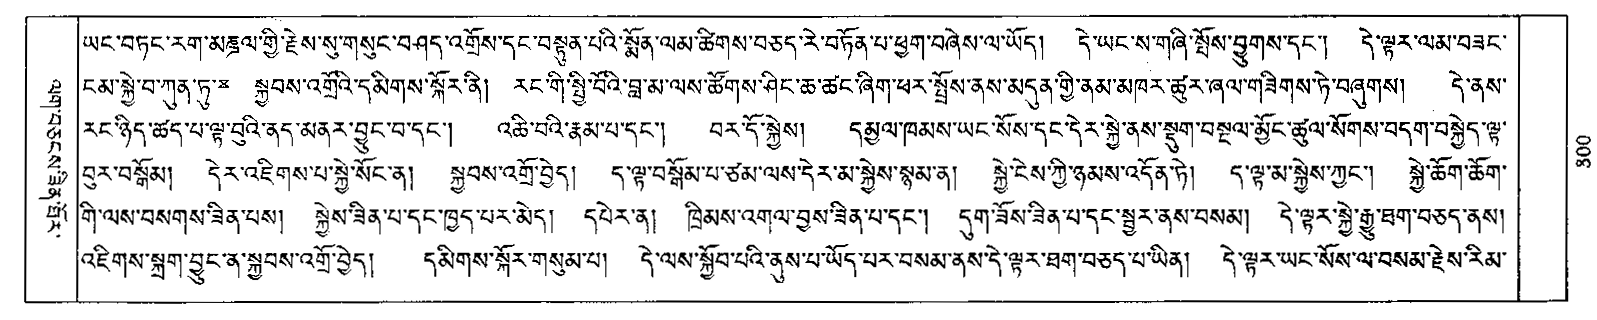ཡང་བཏང་རག་མཎྜལ་གྱི་རྗེས་སུ་གསུང་བཤད་འགྲོས་དང་བསྟུན་པའི་སྨོན་ལམ་ཚིགས་བཅད་རེ་བཏོན་པ་ཕྱག་བཞེས་ལ་ཡོད། དེ་ཡང་ས་གཞི་སྤོས་བྱུགས་དང་། དེ་ལྟར་ལམ་བཟང་
ངམ་སྐྱེ་བ་ཀུན་ཏུ་྾་སྐྱབས་འགྲོའི་དམིགས་སྐོར་ནི། རང་གི་སྤྱི་བོའི་བླ་མ་ལས་ཚོགས་ཤིང་ཆ་ཚང་ཞིག་ཕར་སྤྲོས་ནས་མདུན་གྱི་ནམ་མཁར་ཚུར་ཞལ་གཟིགས་ཏེ་བཞུགས། དེ་ནས་
རང་ཉིད་ཚད་པ་ལྟ་བུའི་ནད་མནར་བྱུང་བ་དང་། འཆི་བའི་རྣམ་པ་དང་། བར་དོ་སྐྱེས། དམྱལ་ཁམས་ཡང་སོས་དང་དེར་སྐྱེ་ནས་སྡུག་བསྔལ་མྱོང་ཚུལ་སོགས་བདག་བསྐྱེད་ལྟ་
བུར་བསྒོམ། དེར་འཇིགས་པ་སྐྱེ་སོང་ན། སྐྱབས་འགྲོ་བྱེད། ད་ལྟ་བསྒོམ་པ་ཙམ་ལས་དེར་མ་སྐྱེས་སྙམ་ན། སྐྱེ་ངེས་ཀྱི་ཉམས་འདོན་ཏེ། ད་ལྟ་མ་སྐྱེས་ཀྱང་། སྐྱེ་ཆོག་ཆོག་
གི་ལས་བསགས་ཟིན་པས། སྐྱེས་ཟིན་པ་དང་ཁྱད་པར་མེད། དཔེར་ན། ཁྲིམས་འགལ་བྱས་ཟིན་པ་དང་། དུག་ཟོས་ཟིན་པ་དང་སྦྱར་ནས་བསམ། དེ་ལྟར་སྐྱེ་རྒྱུ་ཐག་བཅད་ནས།
འཇིགས་སྐྲག་བྱུང་ན་སྐྱབས་འགྲོ་བྱེད། དམིགས་སྐོར་གསུམ་པ། དེ་ལས་སྐྱོབ་པའི་ནུས་པ་ཡོད་པར་བསམ་ནས་དེ་ལྟར་ཐག་བཅད་པ་ཡིན། དེ་ལྟར་ཡང་སོས་ལ་བསམ་རྗེས་རིམ་